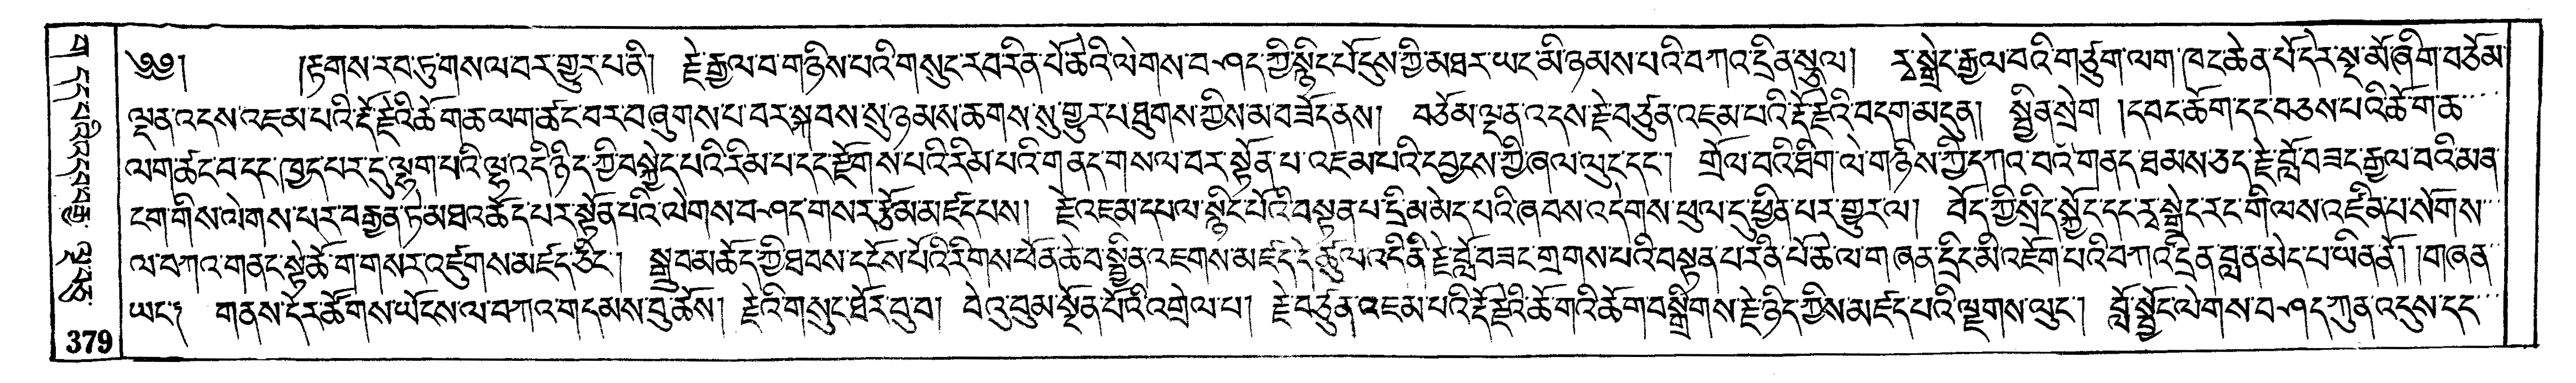༄༅། །རྟགས་རབ་ཏུ་གསལ་བར་གྱུར་པ་ནི། རྗེ་རྒྱལ་བ་གཉིས་པའི་གསུང་རབ་རིན་པོ་ཆེའི་ལེགས་བཤད་ཀྱི་སྙིང་པོ་དུས་ཀྱི་མཐར་ཡང་མི་ཉམས་པའི་བཀའ་དྲིན་སྩལ། རྭ་སྒྲེང་རྒྱལ་བའི་གཙུག་ལག་ཁང་ཆེན་པོ་དེར་སྔ་མོ་ཞིག་བཅོམ་
ལྡན་འདས་འཇམ་པའི་རྡོ་རྗེའི་ཆོ་ག་ཆ་ལག་ཚང་པར་བཞུགས་པ་བར་སྐབས་སུ་ཉམས་ཆགས་སུ་གྱུར་བ་ཐུགས་ཀྱིས་མ་བཟོད་ནས། བཅོམ་ལྡན་འདས་རྗེ་བཙུན་འཇམ་པའི་རྡོ་རྗེའི་བདག་མདུན། སྦྱིན་སྲེག །དབང་ཆོག་དང་བཅས་པའི་ཆོག་ཆ་
ལག་ཚང་བ་དང་ཁྱད་པར་དུ་ལྷག་པའི་ལྷ་འདི་ཉིད་ཀྱི་བསྐྱེད་པའི་རིམ་པ་དང་རྫོགས་པའི་རིམ་པའི་གནད་གསལ་བར་སྟོན་པ་འཇམ་པའི་དབྱངས་ཀྱི་ཞལ་ལུང་དང་། གྲོལ་བའི་ཐིག་ལེ་གཉིས་ཀྱི་དཀའ་བའི་གནད་ཐམས་ཅད་རྗེ་བློ་བཟང་རྒྱལ་བའི་མན་
ངག་གིས་ལེགས་པར་བརྒྱན་ཏེ་མཐའ་ཆོད་པར་སྟོན་པའི་ལེགས་བཤད་གསར་རྩོམ་མཛད་པས། རྗེ་འཇམ་དཔལ་སྙིང་པོའི་བསྟན་པ་དྲི་མ་མེད་པའི་ཞབས་འདེགས་ཕུལ་དུ་ཕྱིན་པར་གྱུར་ལ། བོད་ཀྱི་སྲིད་སྐྱོང་དང་རྭ་སྒྲེང་རང་གི་ལས་འཛིན་པ་སོགས་
ལ་བཀའ་གནང་སྟེ་ཆོ་ག་གསར་འཛུགས་མཛད་ཅིང་། སྒྲུབ་མཆོད་ཀྱི་ཐེབས་དངོས་པོའི་རིགས་ཕོན་ཆེ་བ་སྦྱིན་འཇགས་མཛད་དེ་ཚུལ་འདི་ནི་རྗེ་བློ་བཟང་གྲགས་པའི་བསྟན་པ་རིན་པོ་ཆེ་ལ་གཞན་དྲིང་མི་འཇོག་པའི་བཀའ་དྲིན་བླ་ན་མེད་པ་ཡིན་ནོ། །གཞན་
ཡང༑ གནས་དེར་ཚོགས་ཡོངས་ལ་བཀའ་གདམས་བུ་ཆོས། རྗེའི་གསུང་ཐོར་བུ་བ། བེའུ་བུམ་སྔོན་པོའི་འགྲེལ་པ། རྗེ་བཙུན་འཇམ་པའི་རྡོ་རྗེའི་ཆོ་གའི་ཆོག་བསྒྲིགས་རྗེ་ཉིད་ཀྱིས་མཛད་པའི་ལྗགས་ལུང་། བློ་སྦྱོང་ལེགས་བཤད་ཀུན་འདུས་དང་